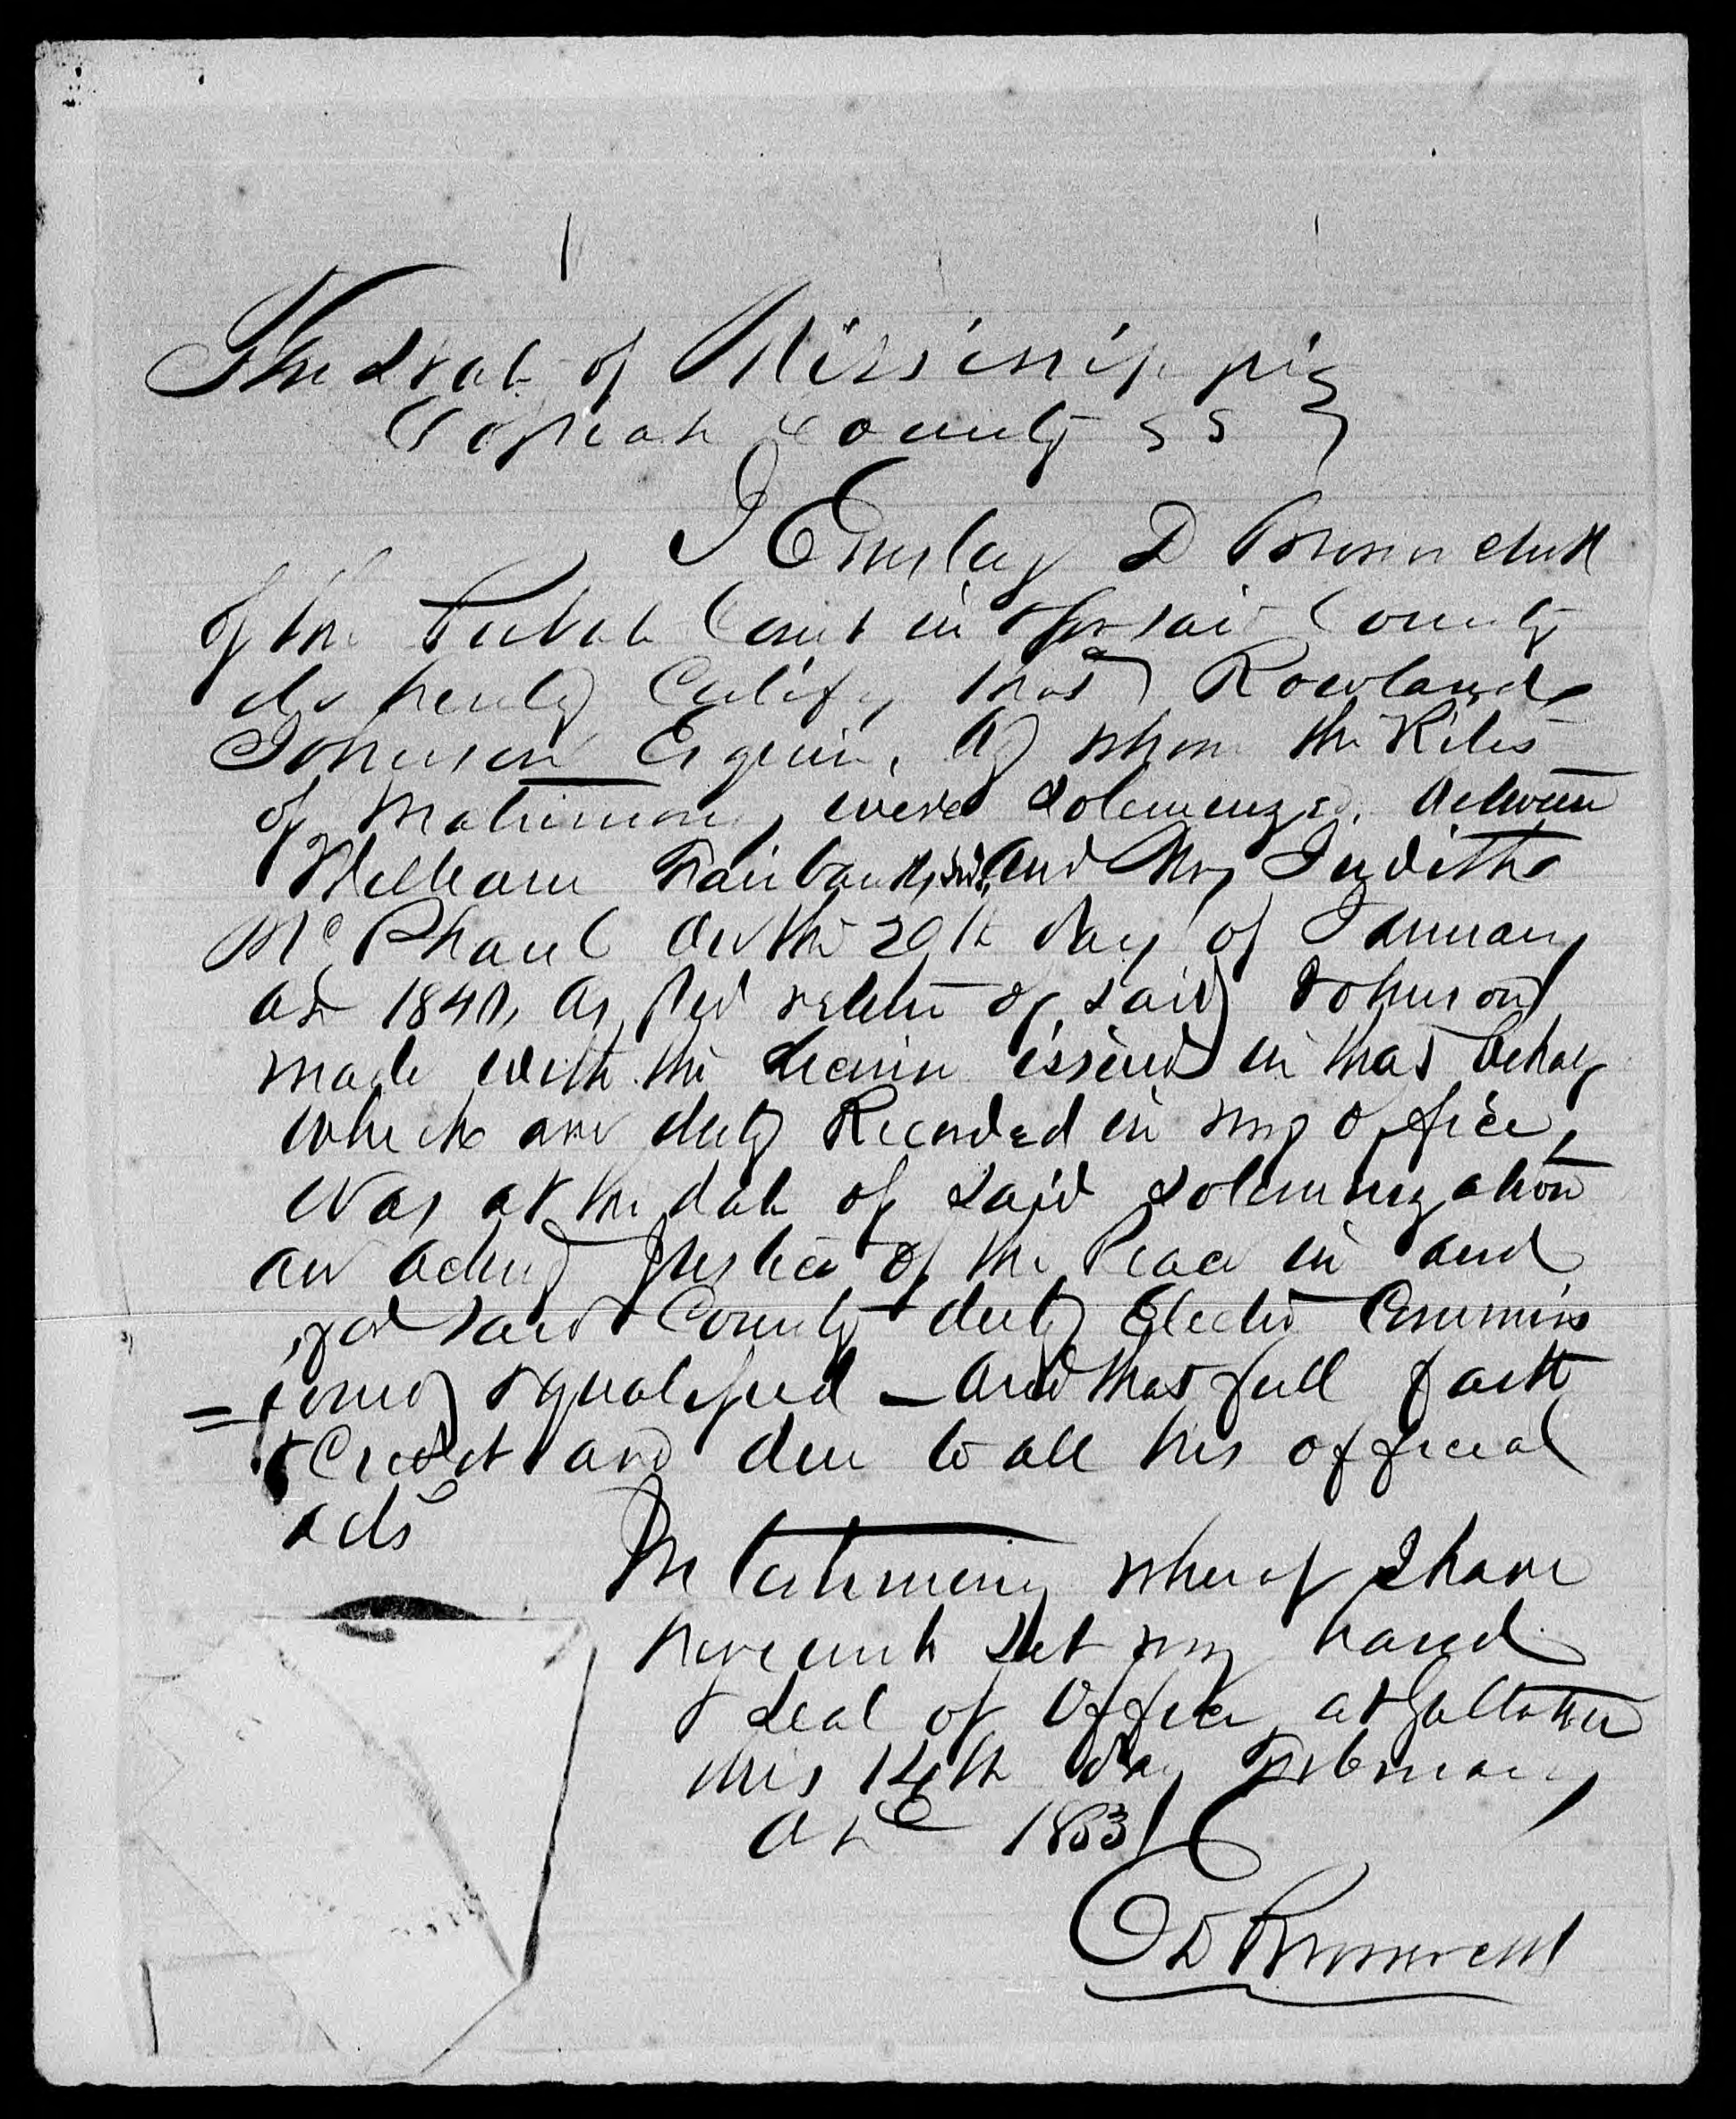The state of Mississippi }
Copiah County SS }
I Elmsley D Brown Clk 
of the Probate Court in aforesaid County 
do hereby certify that Rowland 
Johnson Esquire, of whom the Wiles 
of matrimony were solemnized between 
William Fairbanks Jr and my Judith
McPhaul on the 20th day of January 
AD 1840, as per rector of said Johnson 
made with the [illegible] issued in that behalf 
which are duly Recorded in my office, 
was at the date of said Solemnization 
An Acting Justice of the Peace in and 
for said County & duly Elected Commissioner 
& qualified and that full faith 
& Credit are due to all his official 
acts 
     In testimony whereof I have 
here unto set my hand
& seal of this of Office at Gallagher
this 14th day February AD 1833 
     E D Brown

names: E D Brown, Rowland Johnson, Judith Mc Phaul, Emsley D Brown, William Fairbanks, Johnson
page: 6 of 17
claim: rejected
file: R. 3423, William Fairbanks, R.I.